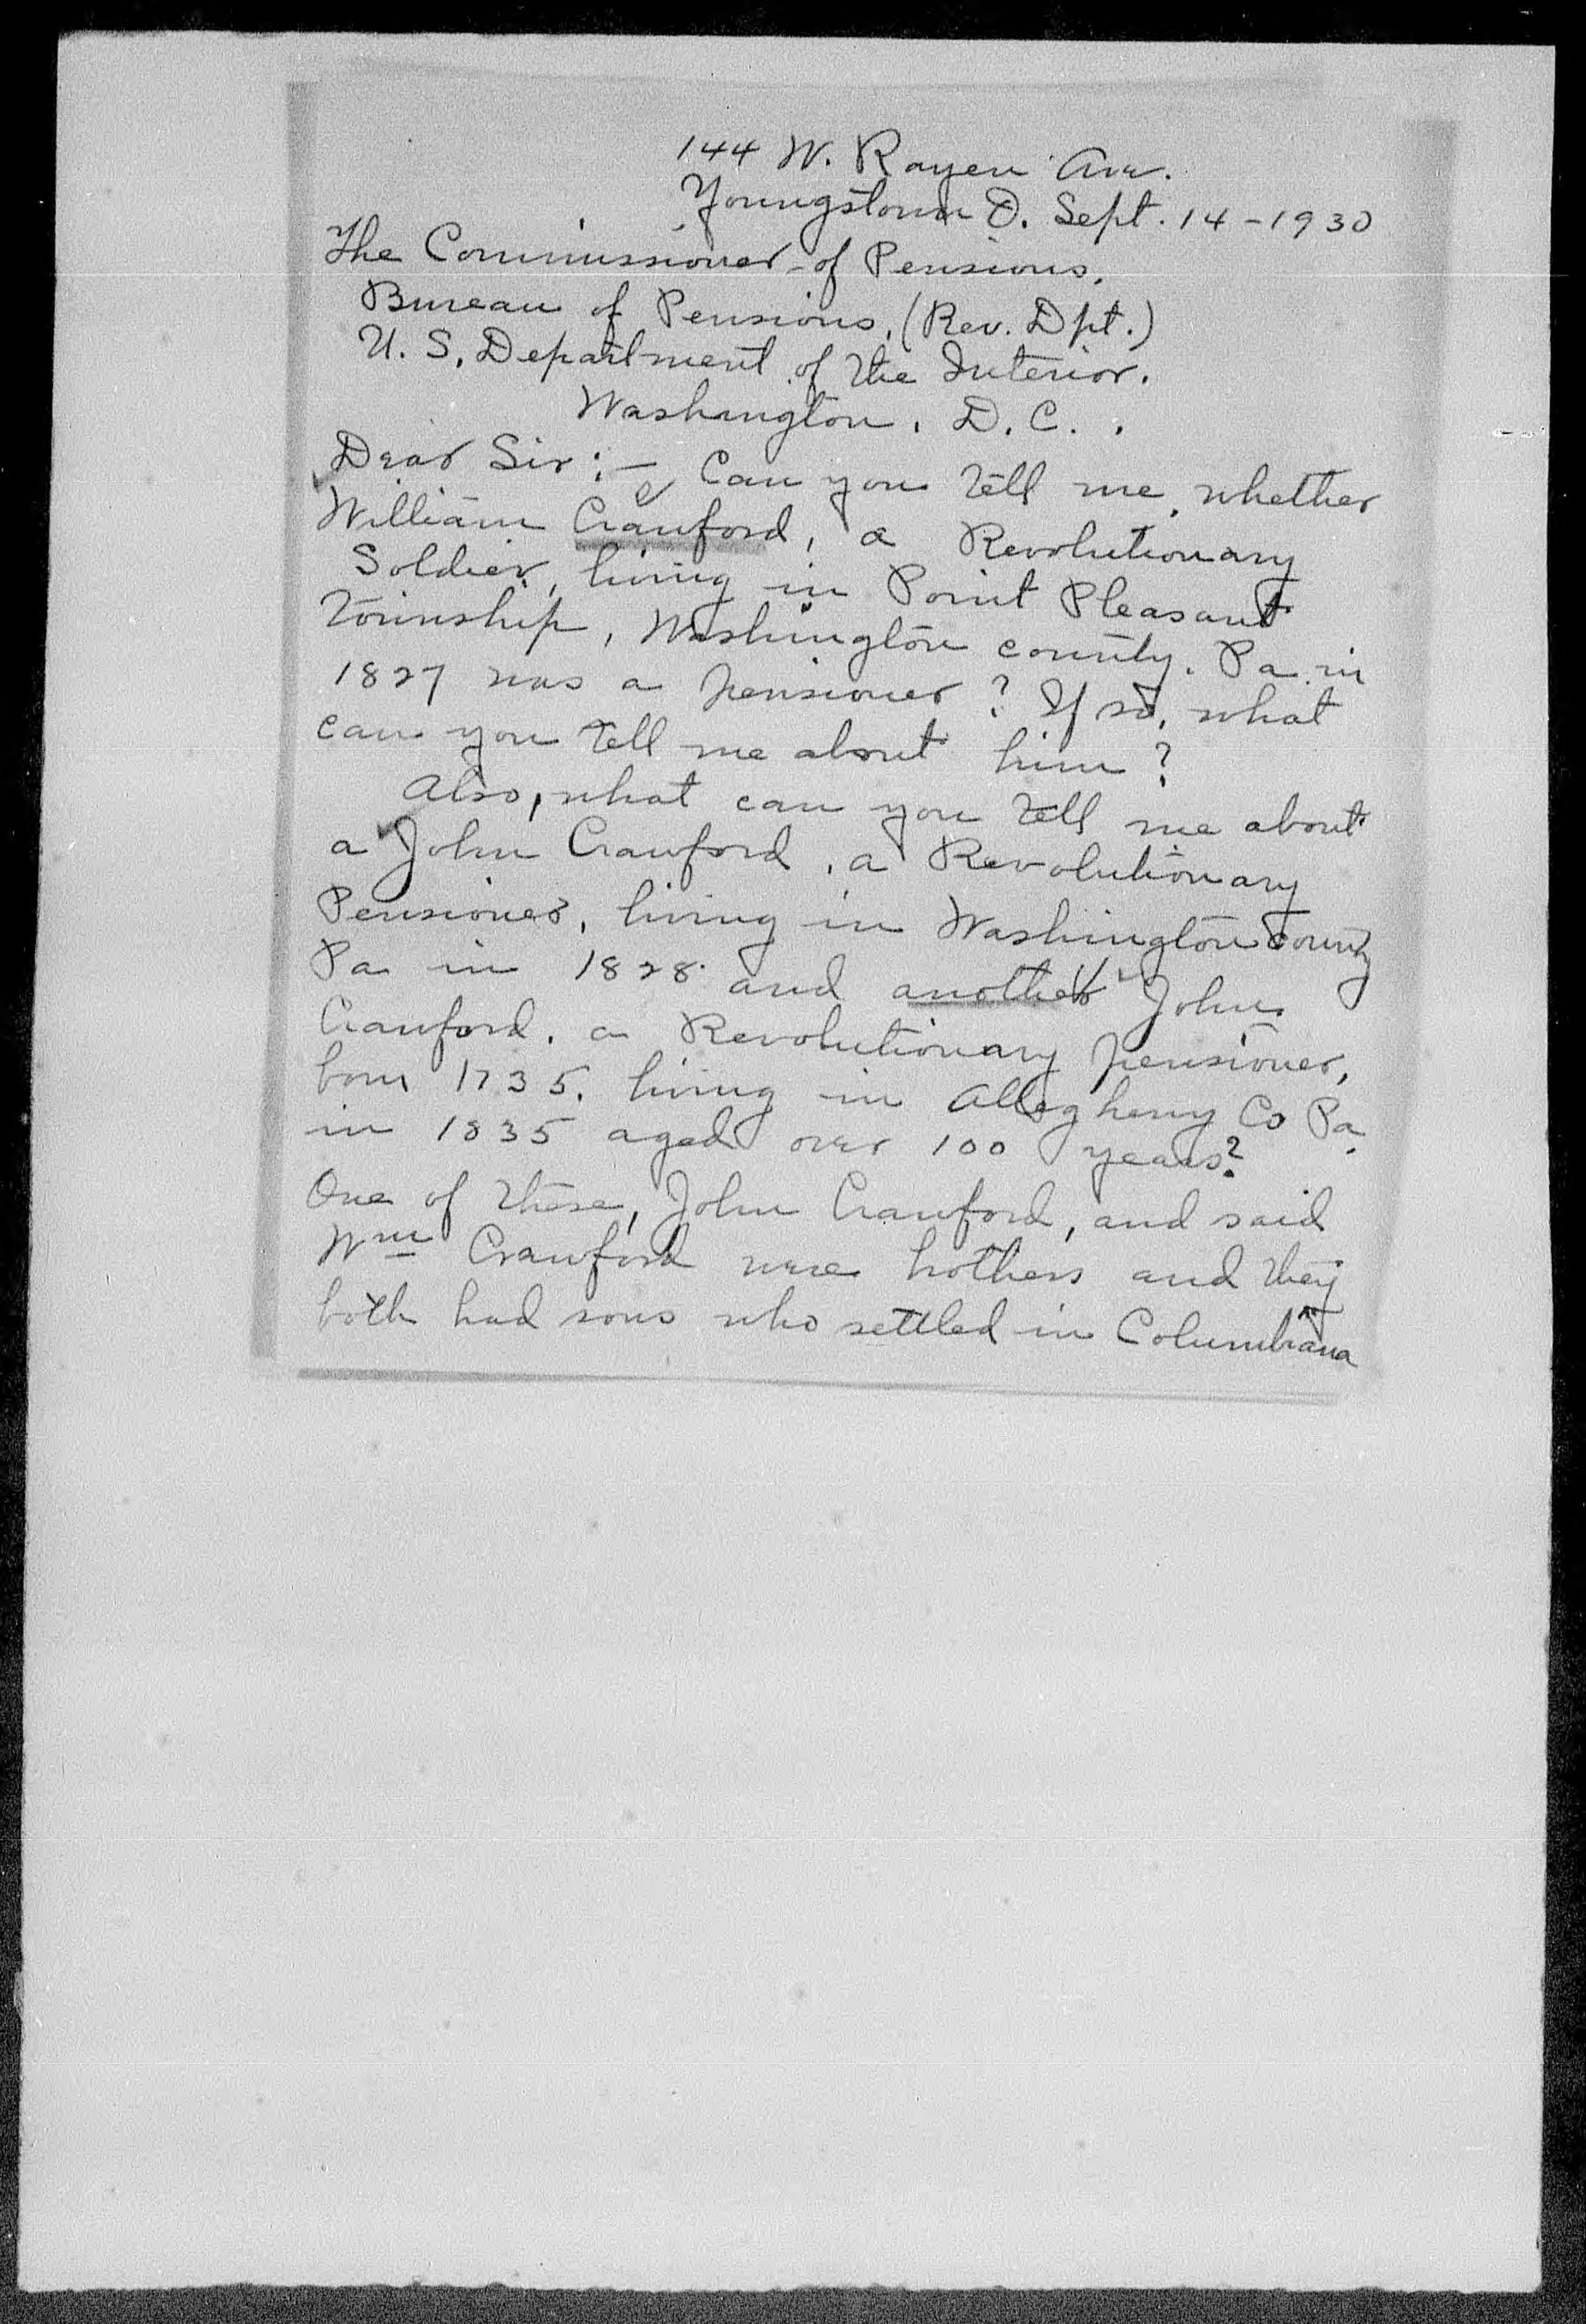144 W. Rayen An
Youngstown D. Sept. 14 - 1930

The Commissioner of Pensions
Bureau of Pensions, (Rev. Dpt.)
U. S. Department of the Interior,
Washington, D.C

Dear Sir:
Can you tell me whether William Crawford, a Revolutionary Soldier, living in Point Pleasant
Township Washington County 1827 was a pensioner? If so, what can you tell me about him

Also, what can you tell me about a John Crawford, a Revolutionary Pensioner, living in 
Washington County Pa in 1828 and another John Crawford, a Revolutionary pensioner born 1735, living in Allegheny Co in 1835 aged over 100 years?

One of these, John Crawford, and said Wm Crawford were brothers and they both had sons who settled in Columbiana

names: John Crawford, John Crawford, Wm Crawford, W Rayen, William Crawford, John Crawford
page: 70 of 80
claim: widow's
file: W 2070, John Crawford, Penn.